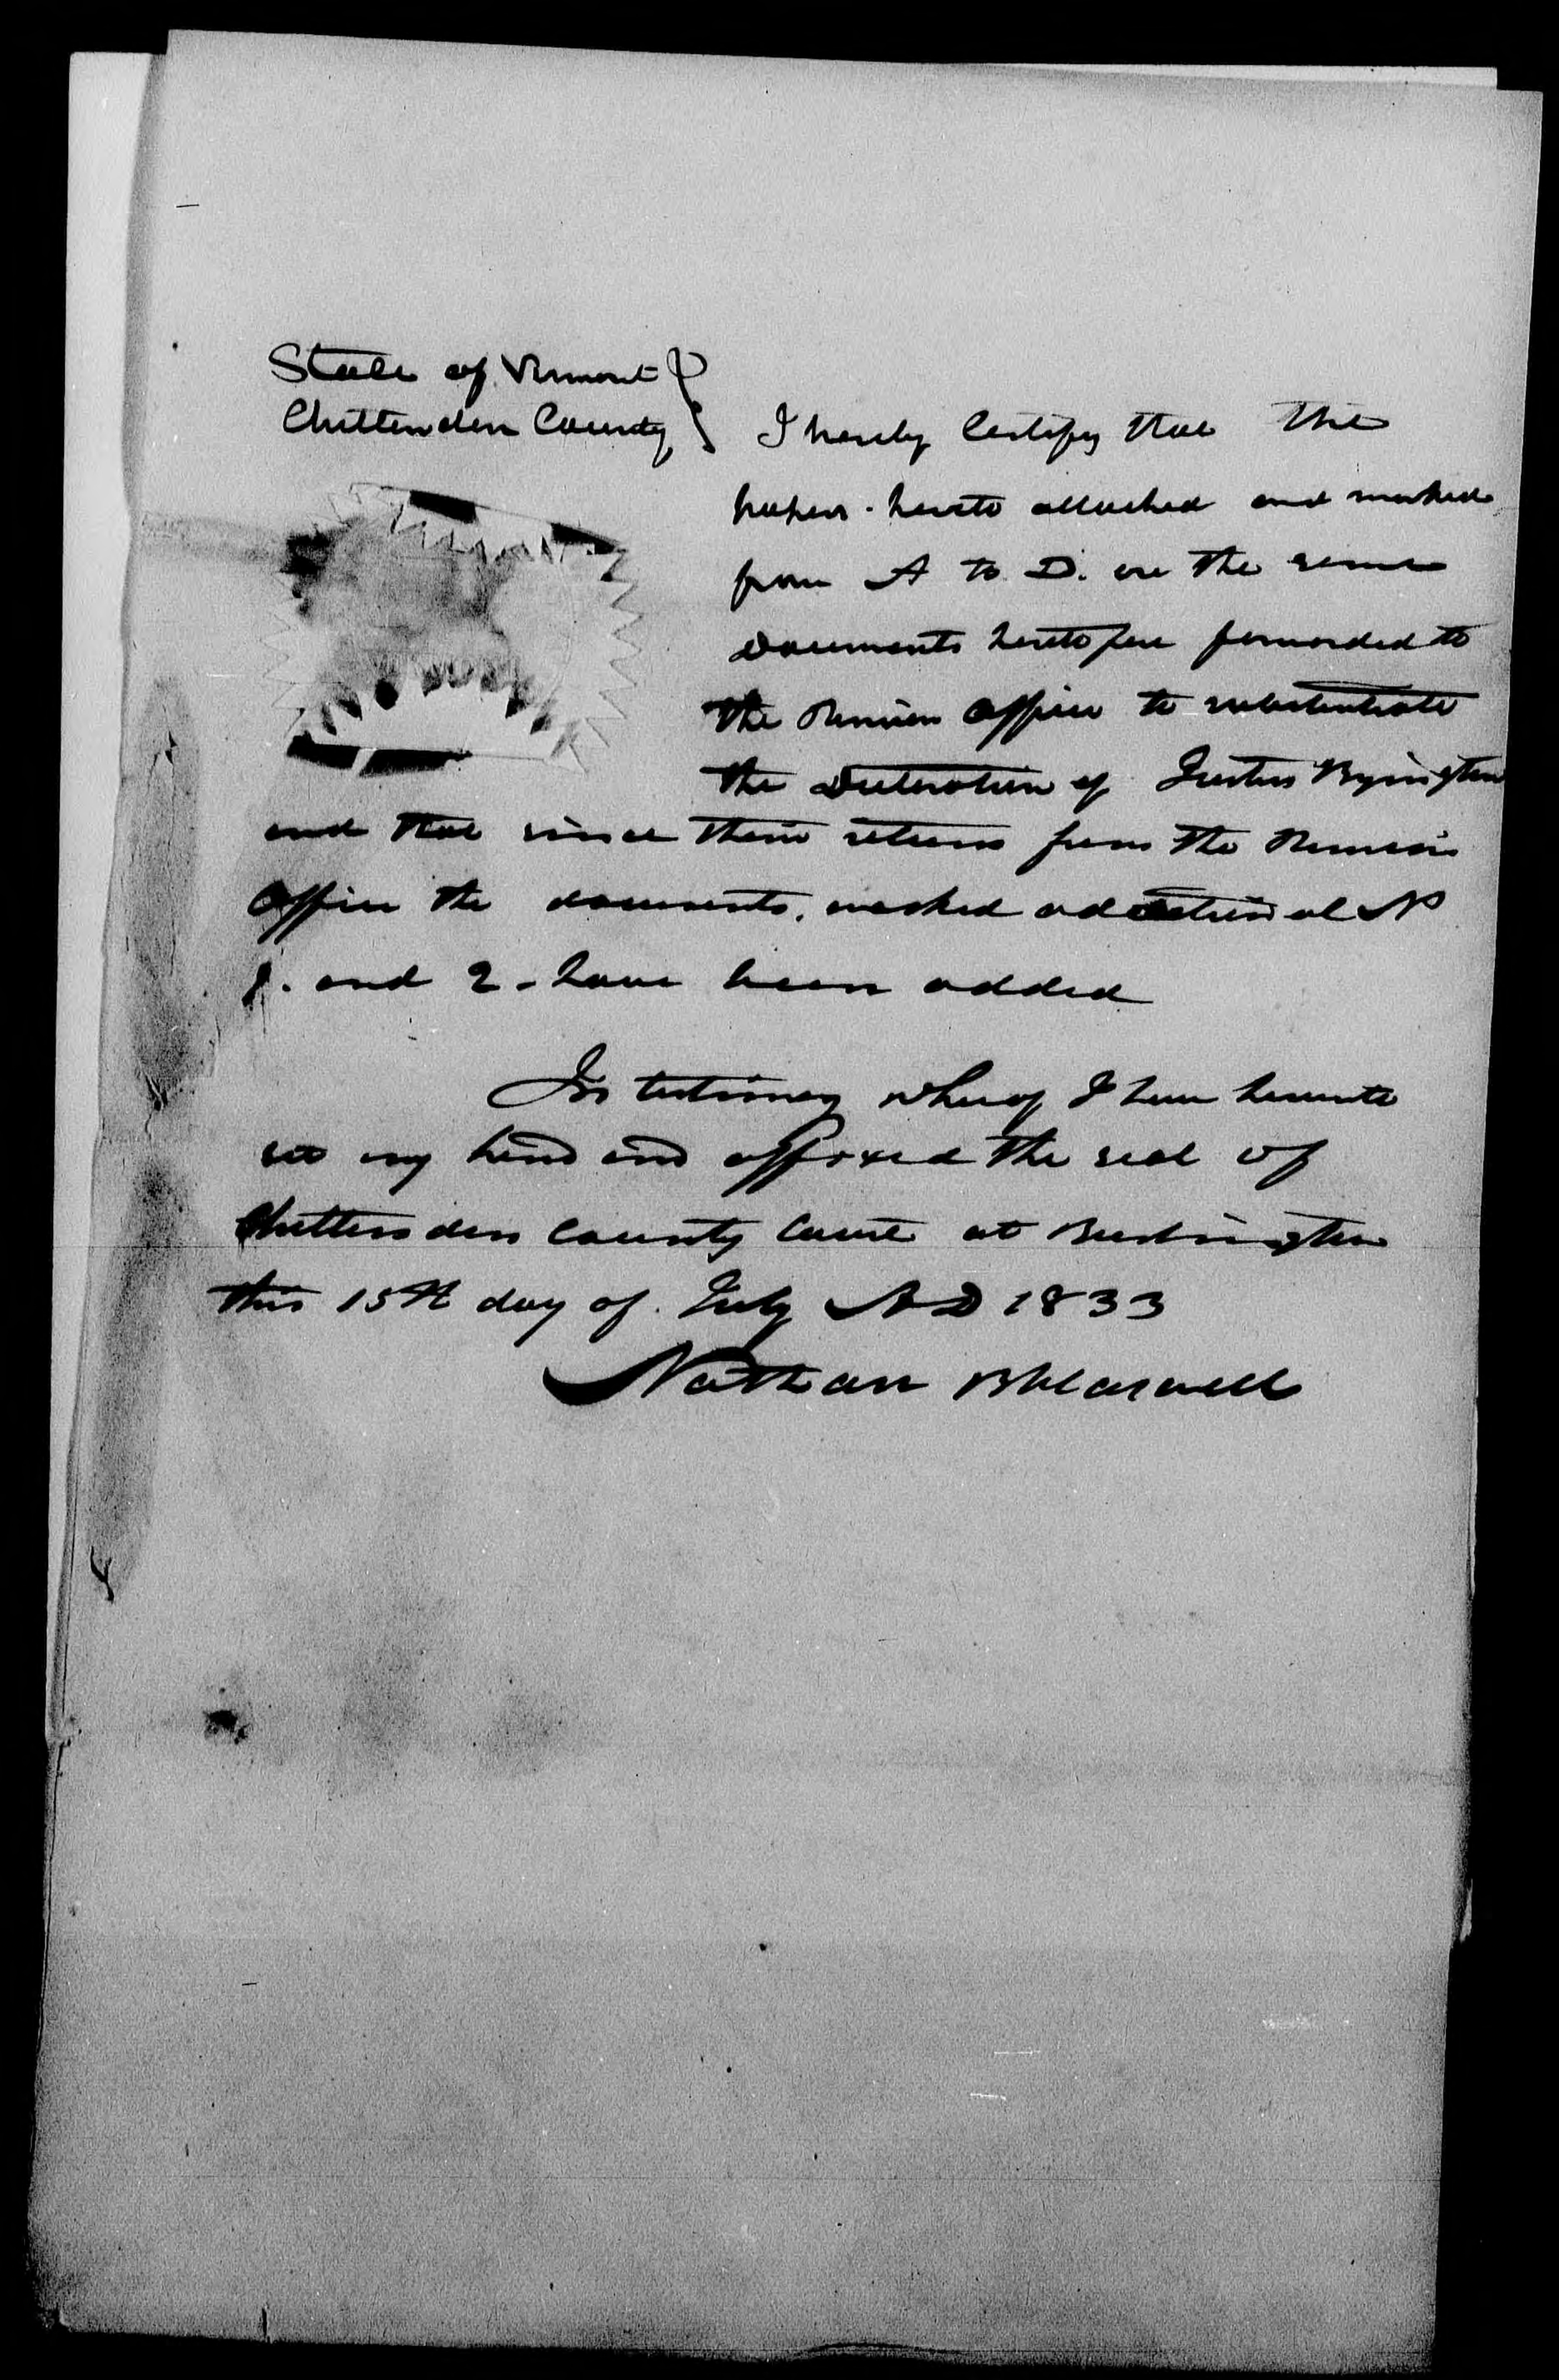State of Vermont}
Chittenden County}

I hereby certify that this paper hereto attached and marked from A to D in the same documents heretofore forwarded to the Pension Office to substantiate the Declaration of Justus Byington and that since their (illegible) from the Pensions Office the documents marked additional No 1. and 2. have been added.

In testimony where of I have hereunto set my hand and affixed the seal of Chittenden County Court at Burlington this 15th day of July AD 1833
Nathan B Maswell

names: Nathan B Maswell, Justus Byington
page: 58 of 79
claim: widow's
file: W. 23754, Justus Byington, Conn.